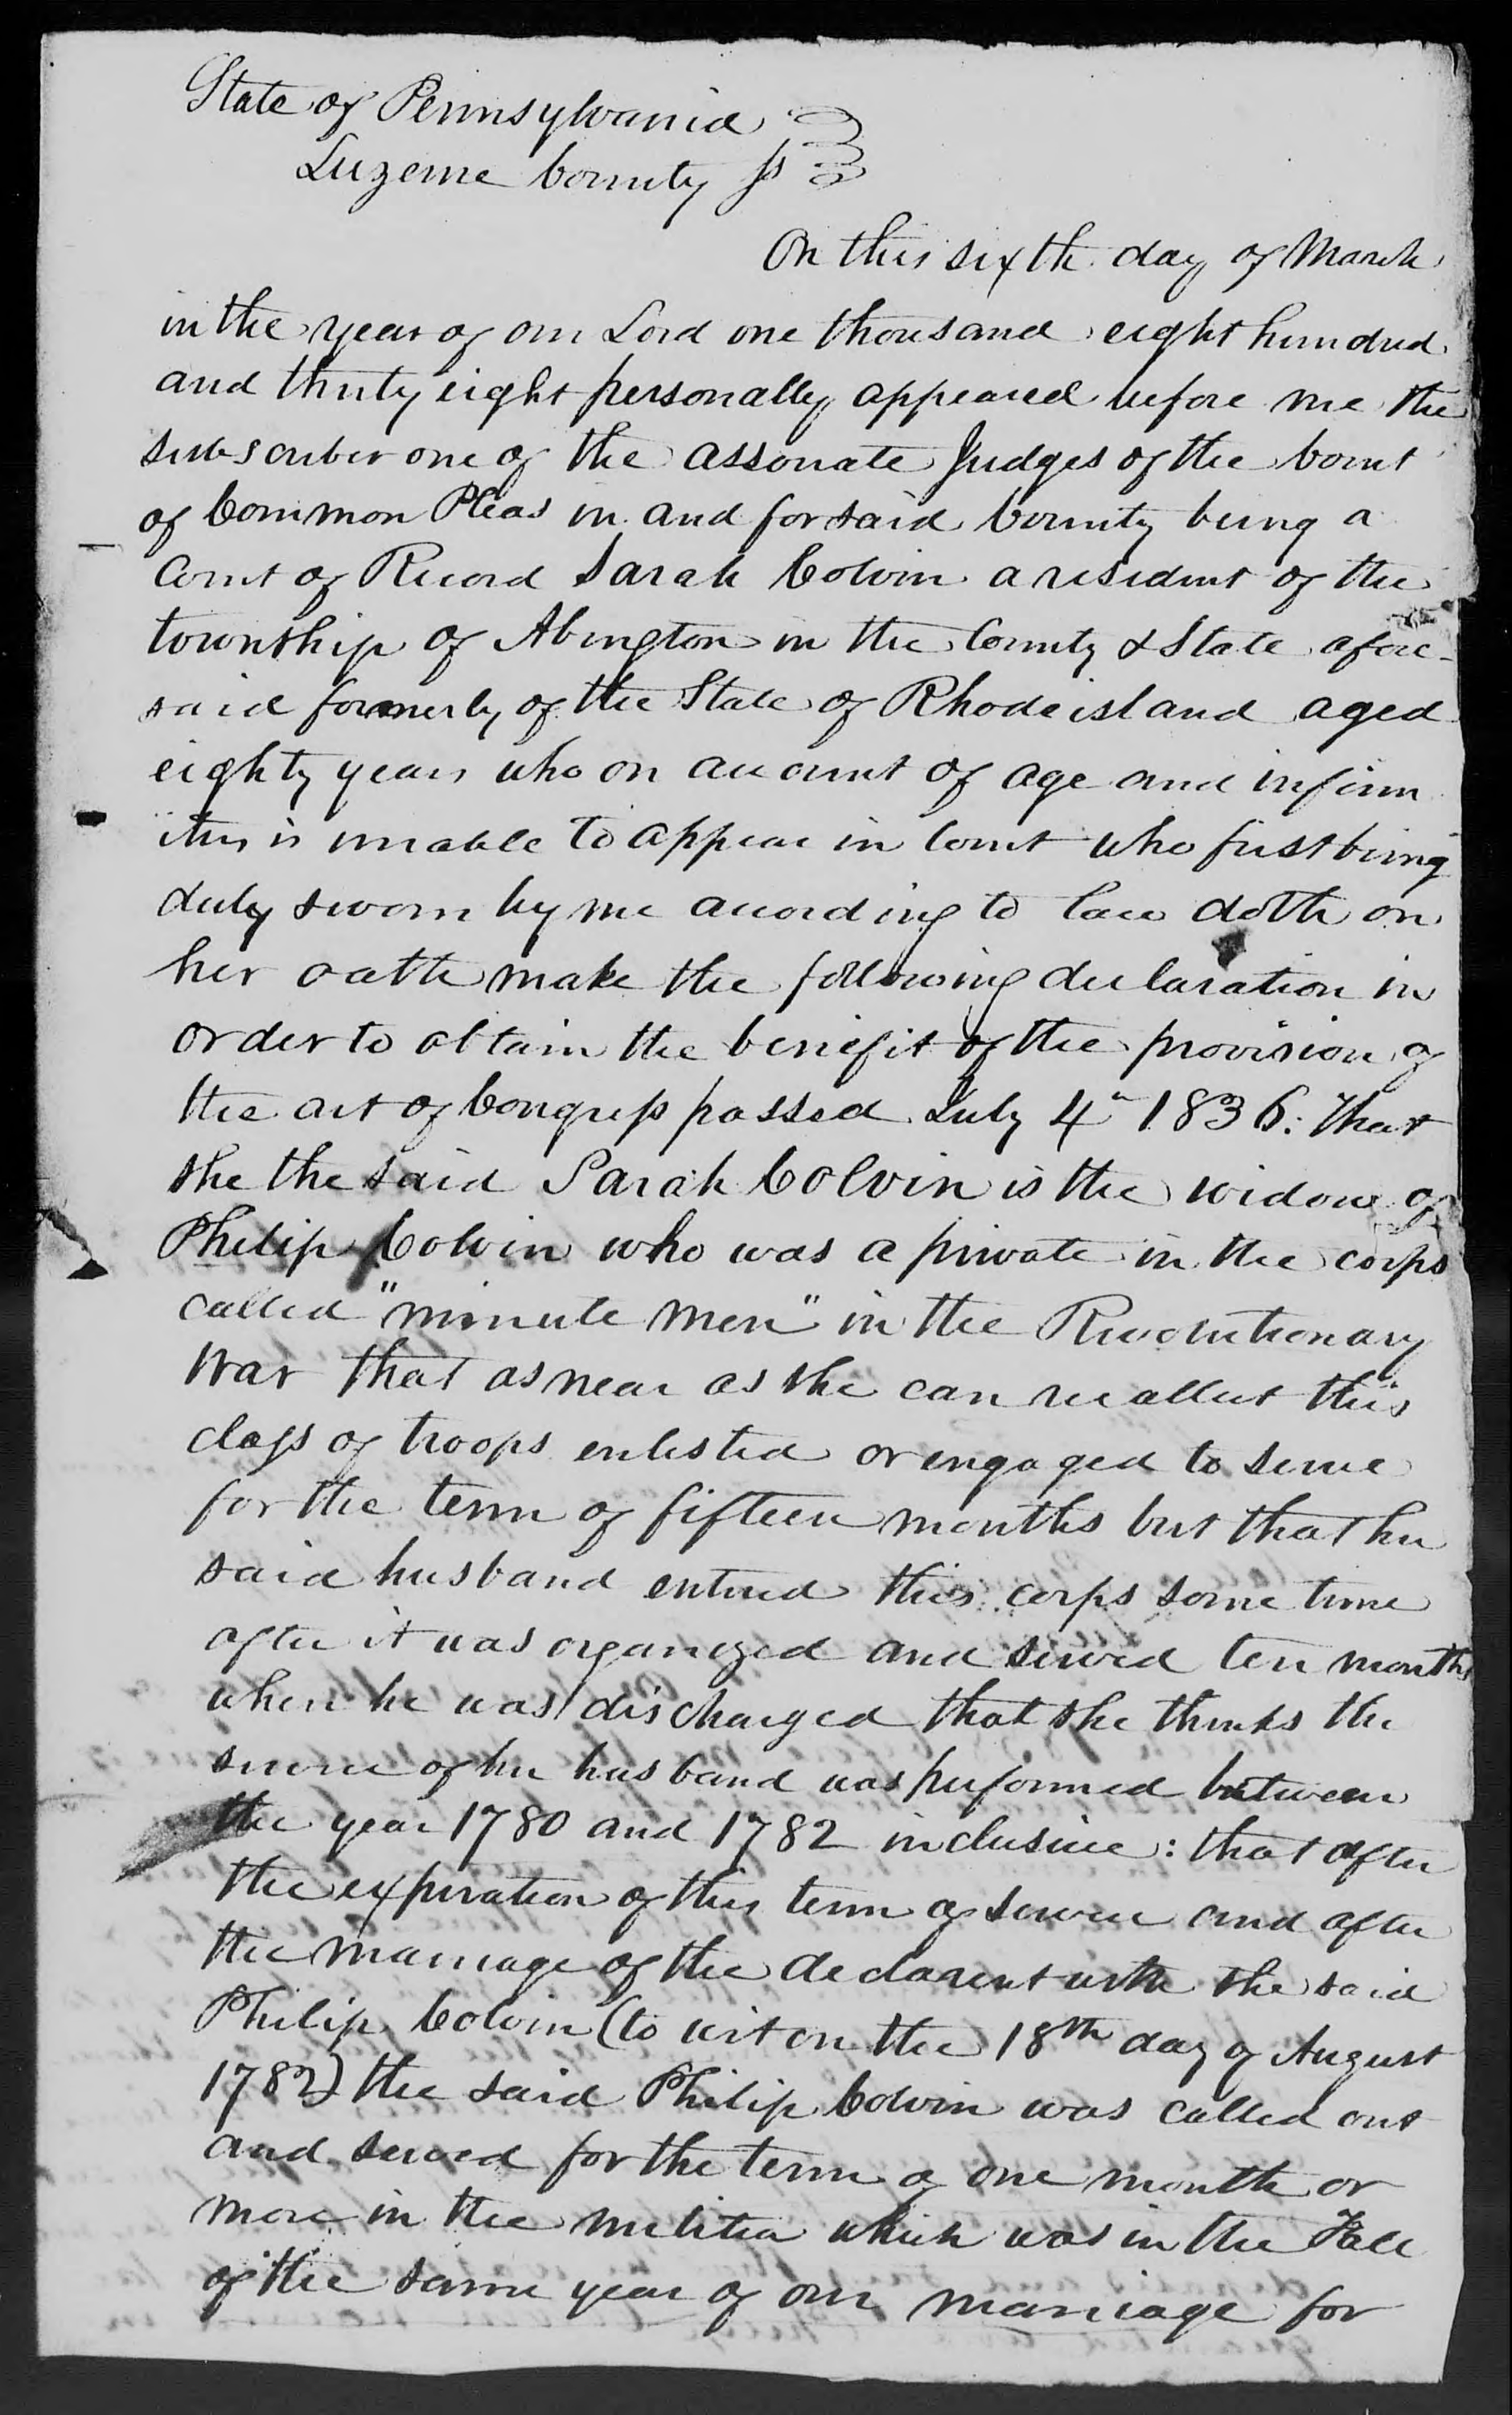State of Pennsylvania, Luzerne County ss
On this sixth day of March in the year of our Lord one thousand eight hundred and thirty eight personally appeared before me the subscriber one of the associate Judges of the Court of Common Pleas in and for said county being a Court of Record Sarah Colvin a resident of the township of Abington in the county & state aforesaid formerly of the State of Rhode Island aged eighty years who on account of age and infirmity is unable to appear in court. Who first being duly sworn by me according to law doth on her oath make the following declaration in order to obtain the benefit of the provision of the act of Congress passed. That she the said Sarah Colvin is the widow of Philip Colvin who was a private in the corps called "minute men" in the Revolutionary War that as near as she can recollect this class or troops enlisted or engaged to serve for the term of fifteen months but that her said husband entered this corps some time after it was organized and served ten months when he was discharged that she thinks the service of her husband was performed between the year 1780 and 1782 inclusive. that after the expiration of this term of service and after the marriage of the declarent with the said Philip Colvin (to wit on the 18th day of August 1782) the said Philip Colvin was called on and served for the term of one month or more in the militia which was in the fall of the same year of our marriage for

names: Sarah Colvin, Philip Colvin, Sarah Colvin, Philip Colvin, Philip Colvin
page: 4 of 41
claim: widow's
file: W. 3513, Philip Colvin, R.I.